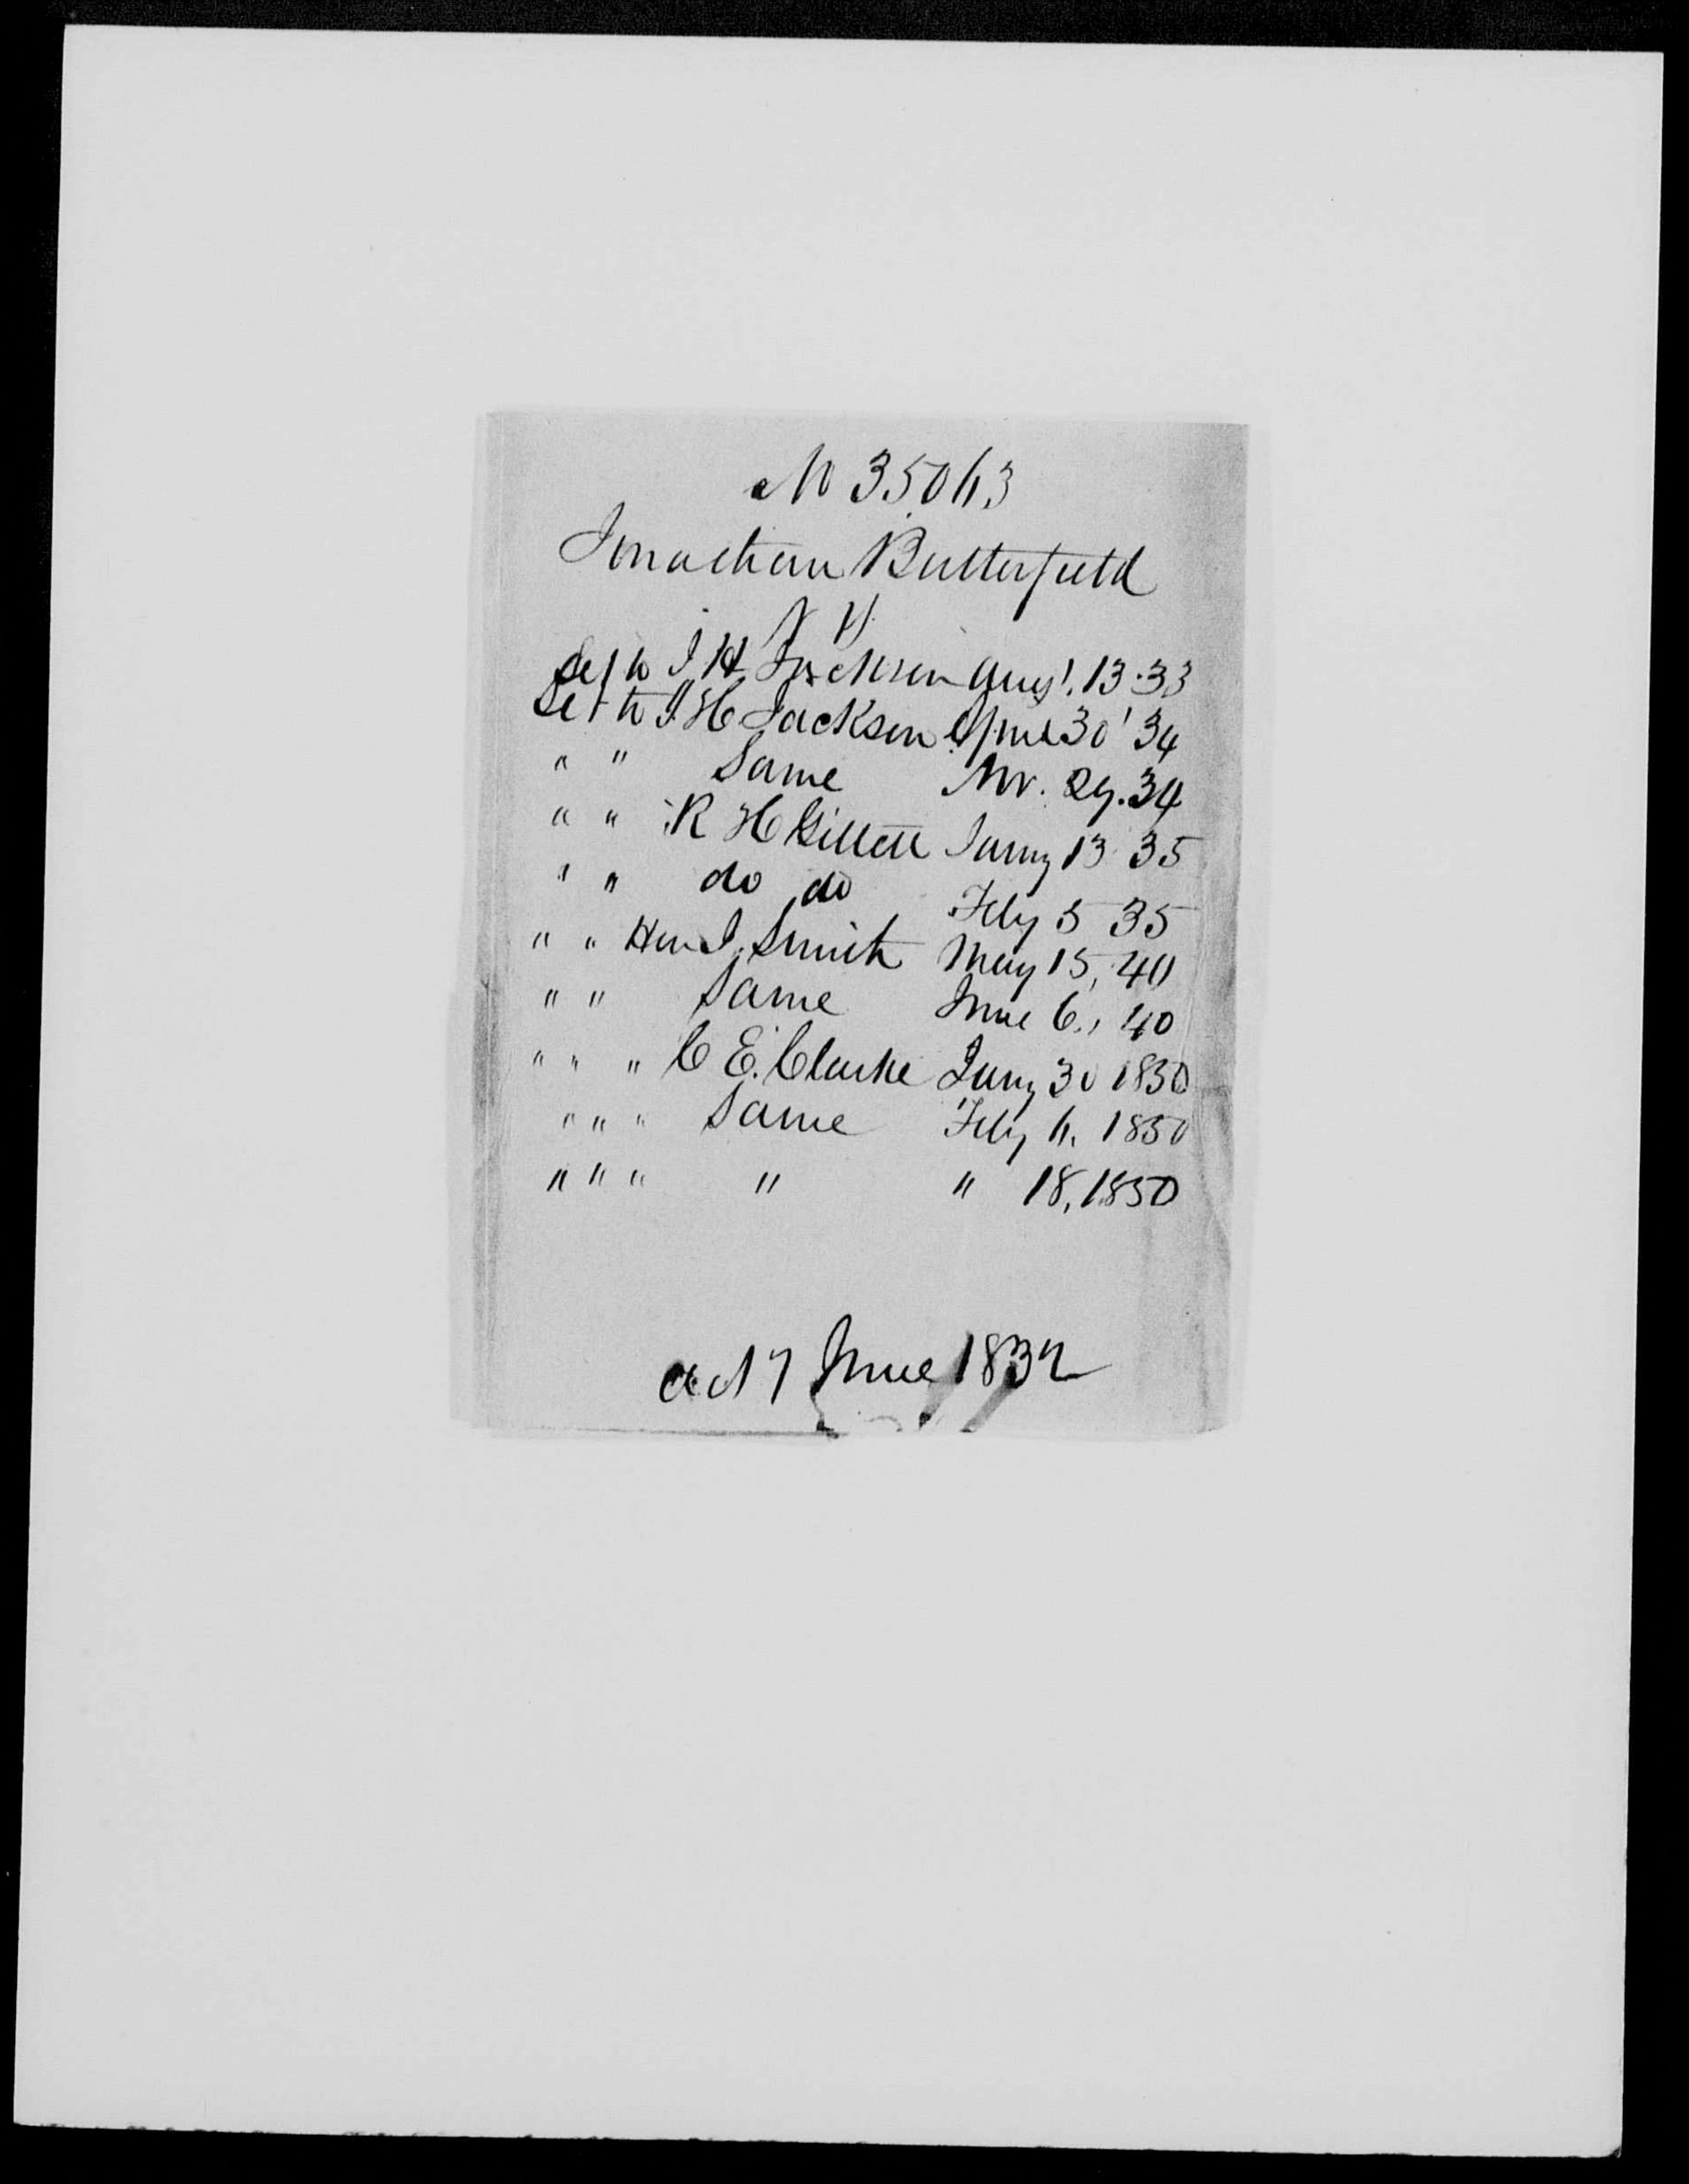No 35063
Jonathan Butterfield
NY
1
Set to J. H. Jackson    13.33
to J H Jackson April    30.34
same               Nov     29.34
same               Jany     13.35
" "Hon J Smith May       5.35
   same            June       6. 40
C E Clarks         June 30 1835
 same                Feby 6, 1850
   same              Feby 18, 1850

Act 7 June 1832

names: J H Jackson, J Smith, C E Clarke, Jonathan Butterfield, R H Gillett, J H Jackson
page: 35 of 40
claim: rejected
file: R. 1558, Jonathan Butterfield, Mass. Vt.